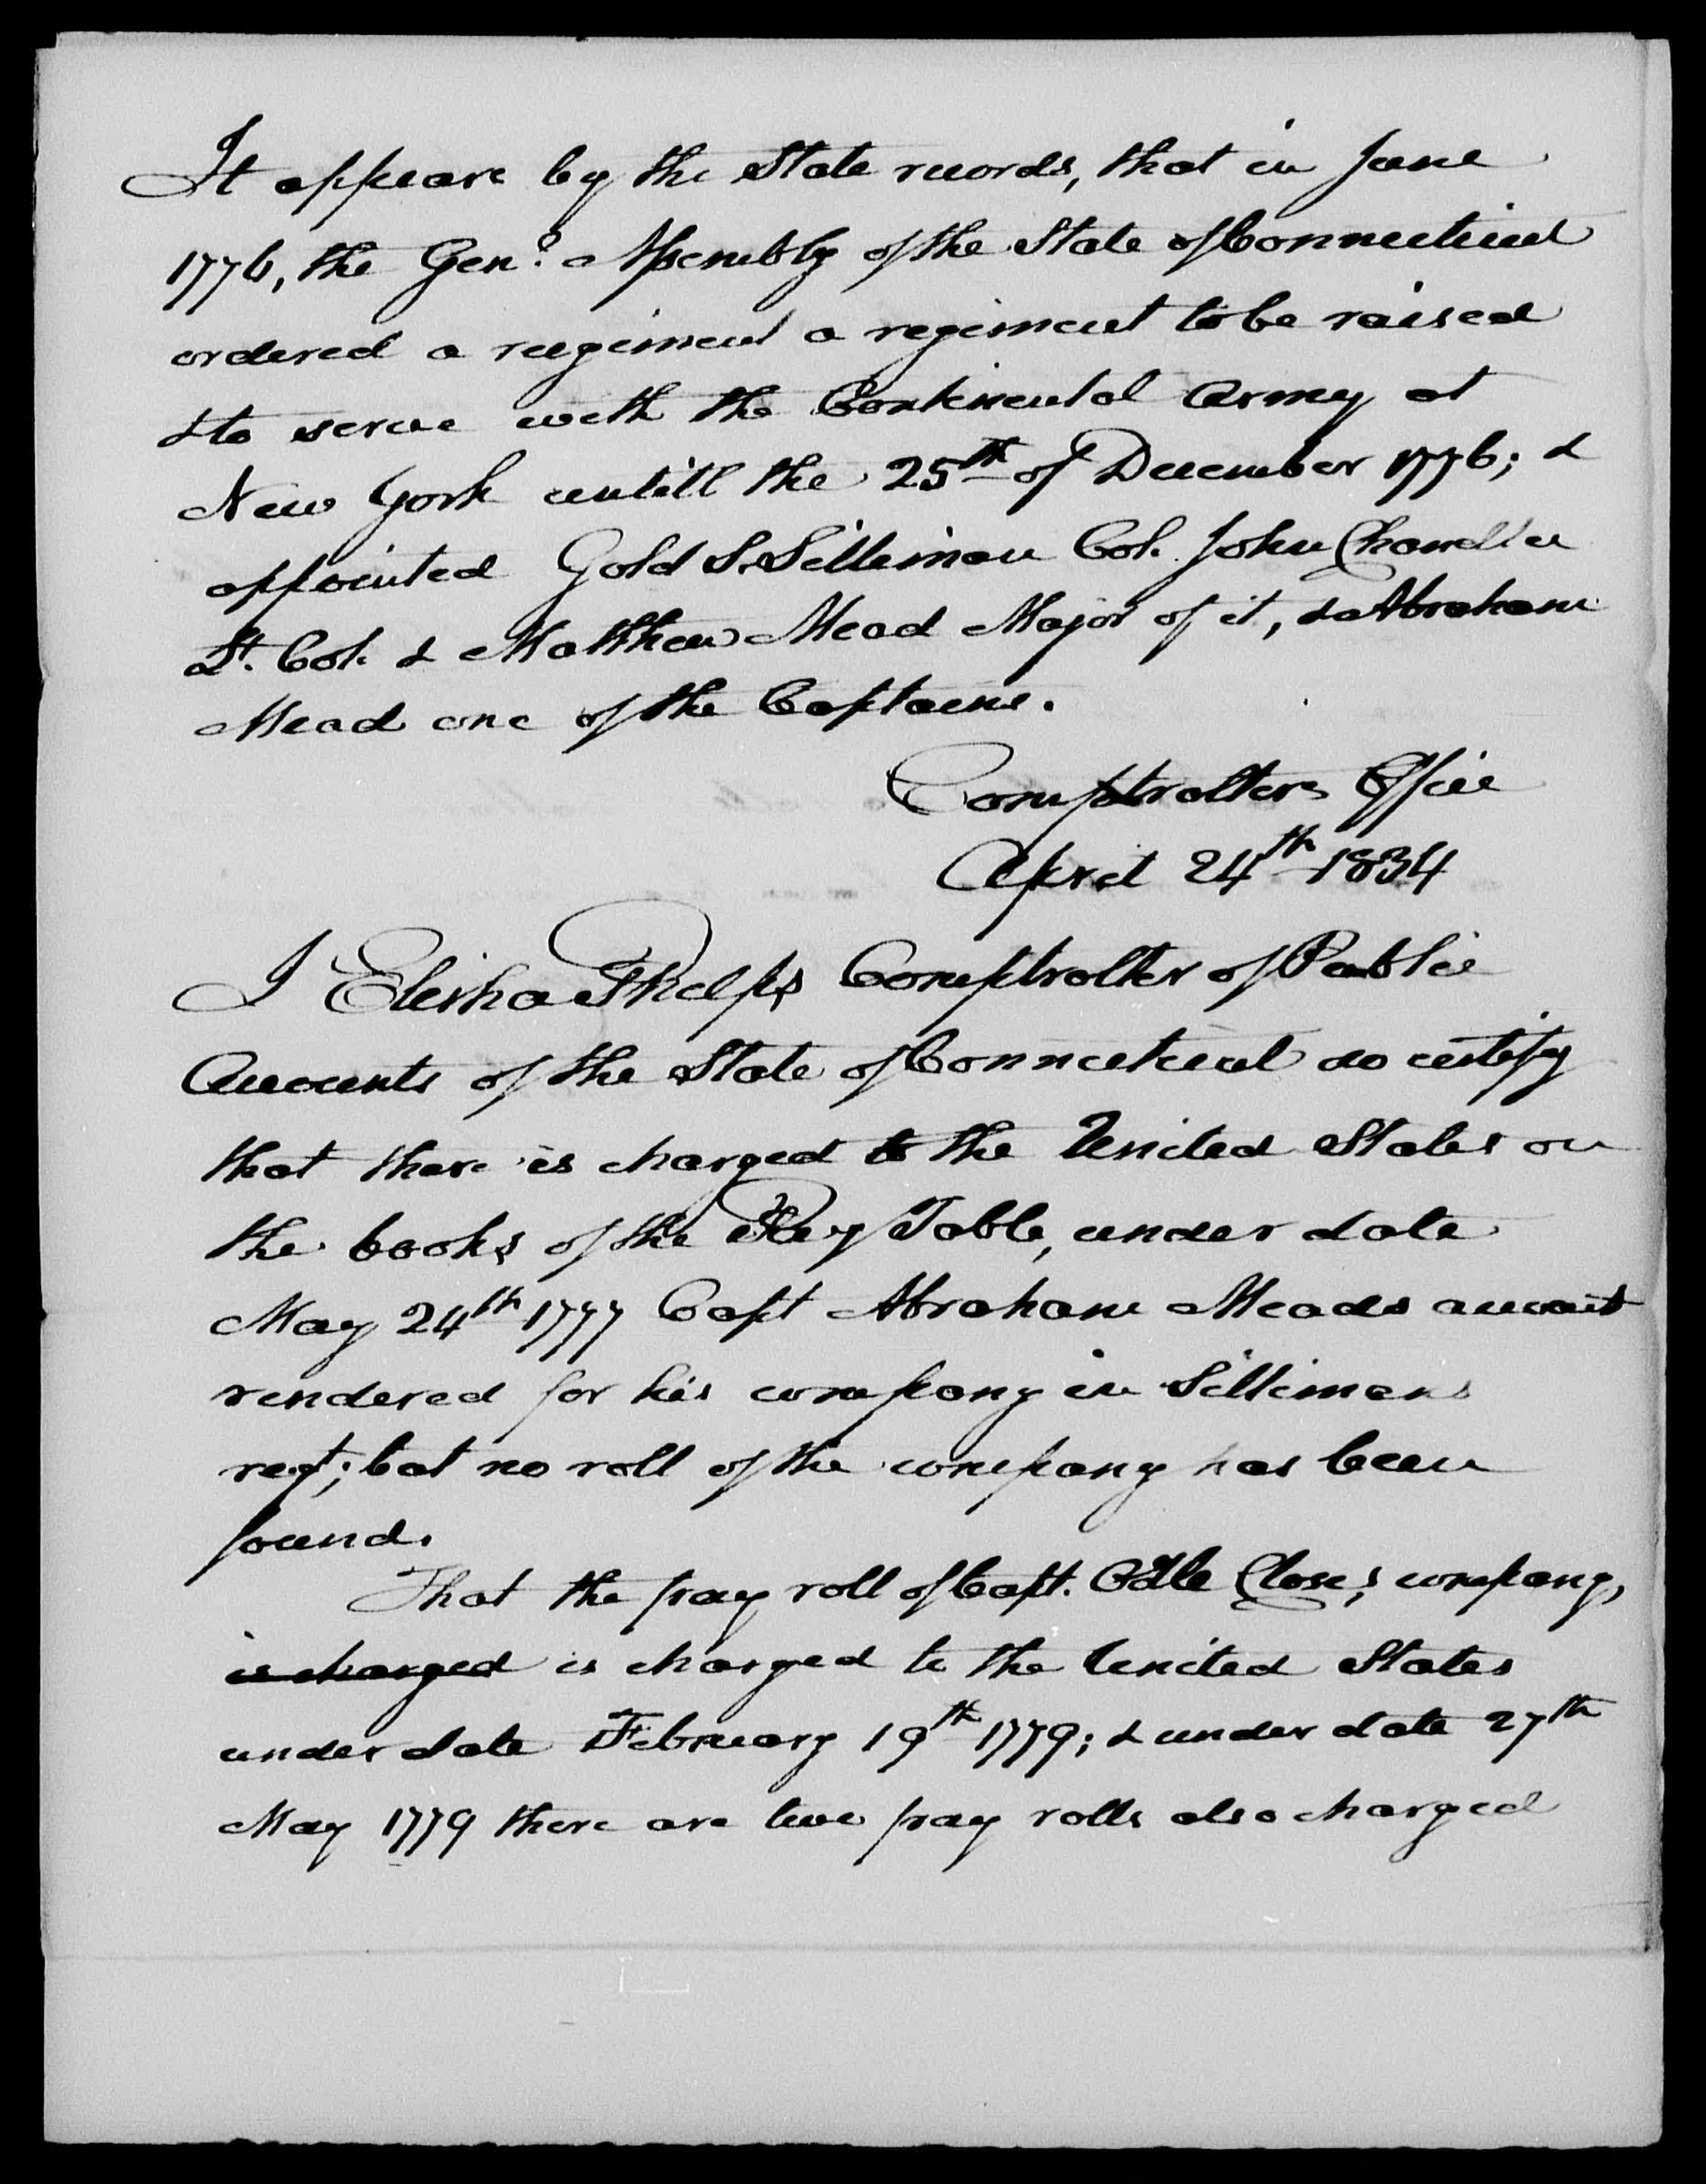It appears by the State records, that in June
1776, the Genl Assembly of the State of Connecticut ordered a [illegible] a regiment to be raised to serve with the Continental army at New York untill the 25th of December 1776;
& appointed
Gold S. Silliman Col. John Chandler
Lt. Col. & Matthew Mead Major of it, [illegible]
Mead one of the Captains
Comptrollers Office
April 24th 1834

I, Elisha Phelps Comptroller of Public Accounts of the State of Connecticut do certify
that there is charged to the United States on
the books of the Pay Table under date
May 24th 1777 Capt Abraham Mead's account
rendered for his [illegible] in Silliman's
regt; but no roll of the company has been
found.

That the pay roll of Capt. Odle Close's company is charged [crossed out] is charged
to the United States
under date February 19th 1779; & under date 27th May 1779 there are two pay rolls also charged.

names: Abraham Mead, Matthew Mead, Abraham Mead, John Chandler, Elisha Phelps, Gold S Silliman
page: 15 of 35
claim: survivor's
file: S. 28727, Abraham Finch, Conn.